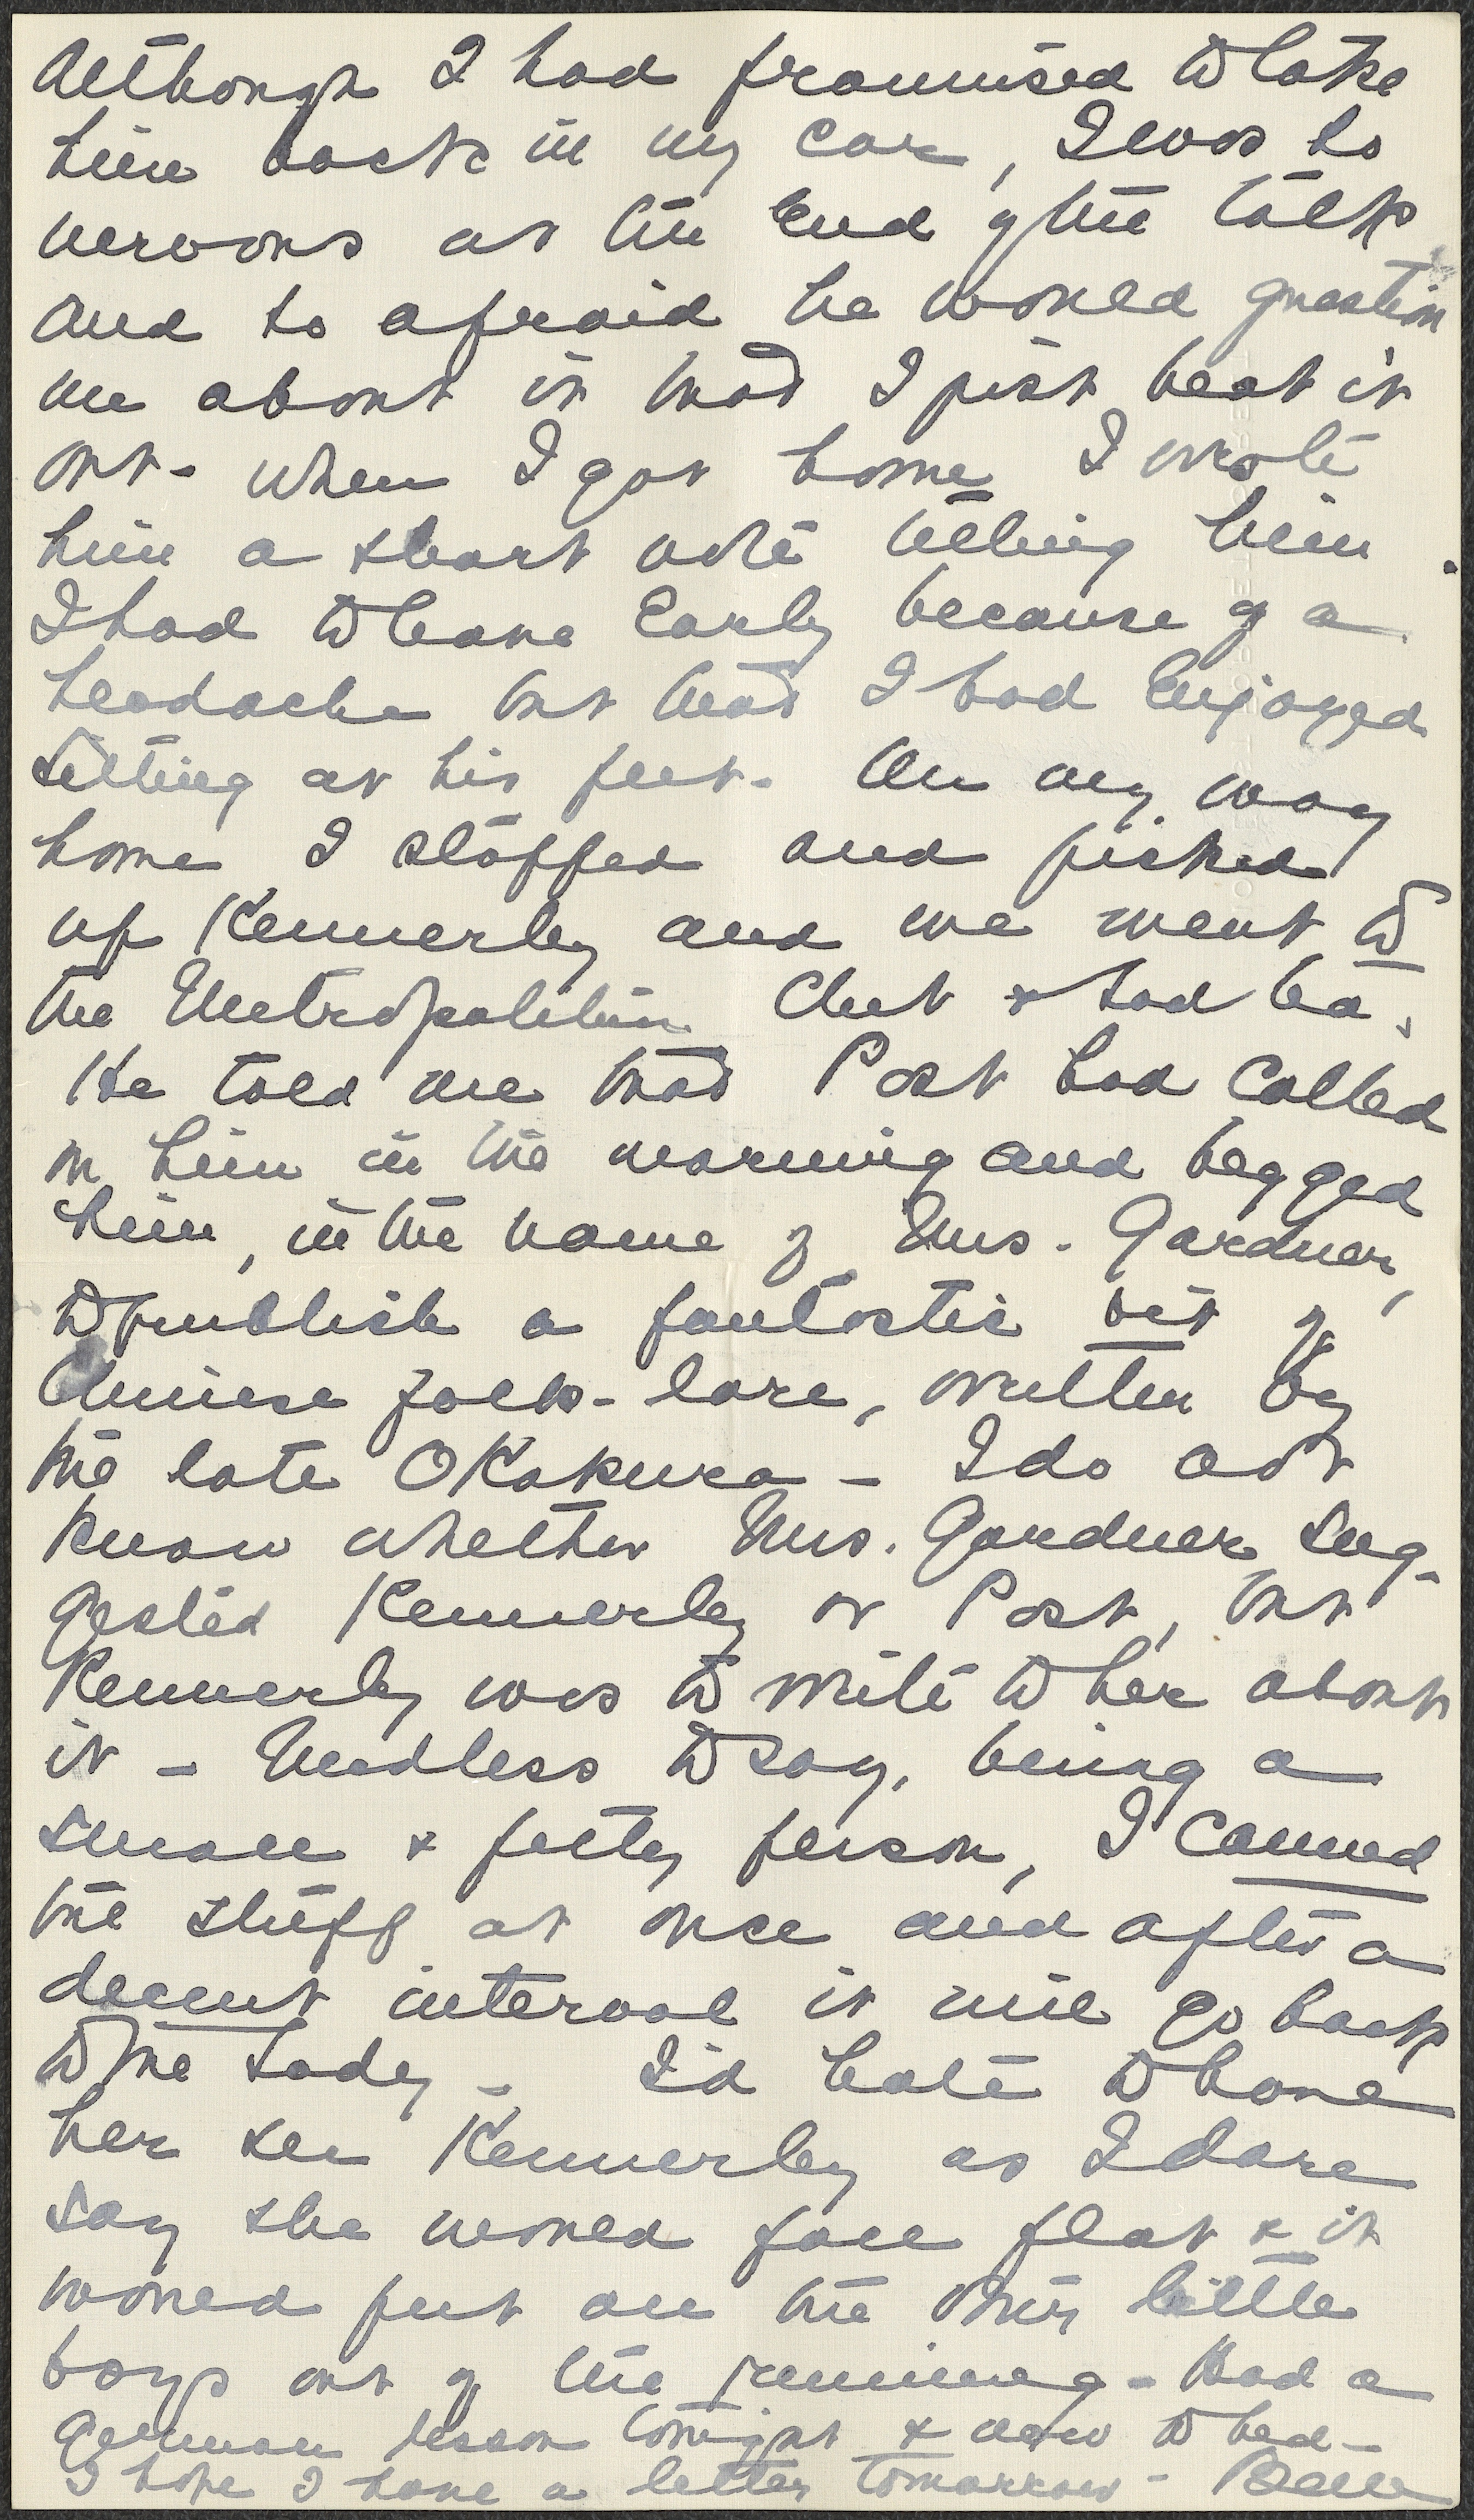Although I had promised to take him back in my car, I was so nervous at the end of the talk and so afraid he would question me about it that I just beat it out – when I got home I wrote him a short note telling him I had to leave early because of a headache but that I had enjoyed sitting at his feet – on my way home I stopped and picked up Kennerley and we went to the Metropolitan Club & had tea
He told me that Post had called on him in the morning and begged him, in the name of Mrs. Gardner, to publish a fantastic bit of Chinese folk-lore, written by the late Okakura – I do not know whether Mrs. Gardner suggested Kennerley or Post, but Kennerley was to write to her about it – Needless to say, being a small & petty person, I canned the stuff at once and after a decent interval it will go back to the Lady – I’d hate to have her see Kennerly as I dare say she would fall flat & it would put all the other little boys out of the running – Had a German lesson tonight & now to bed – I hope I have a letter tomorrow – Belle